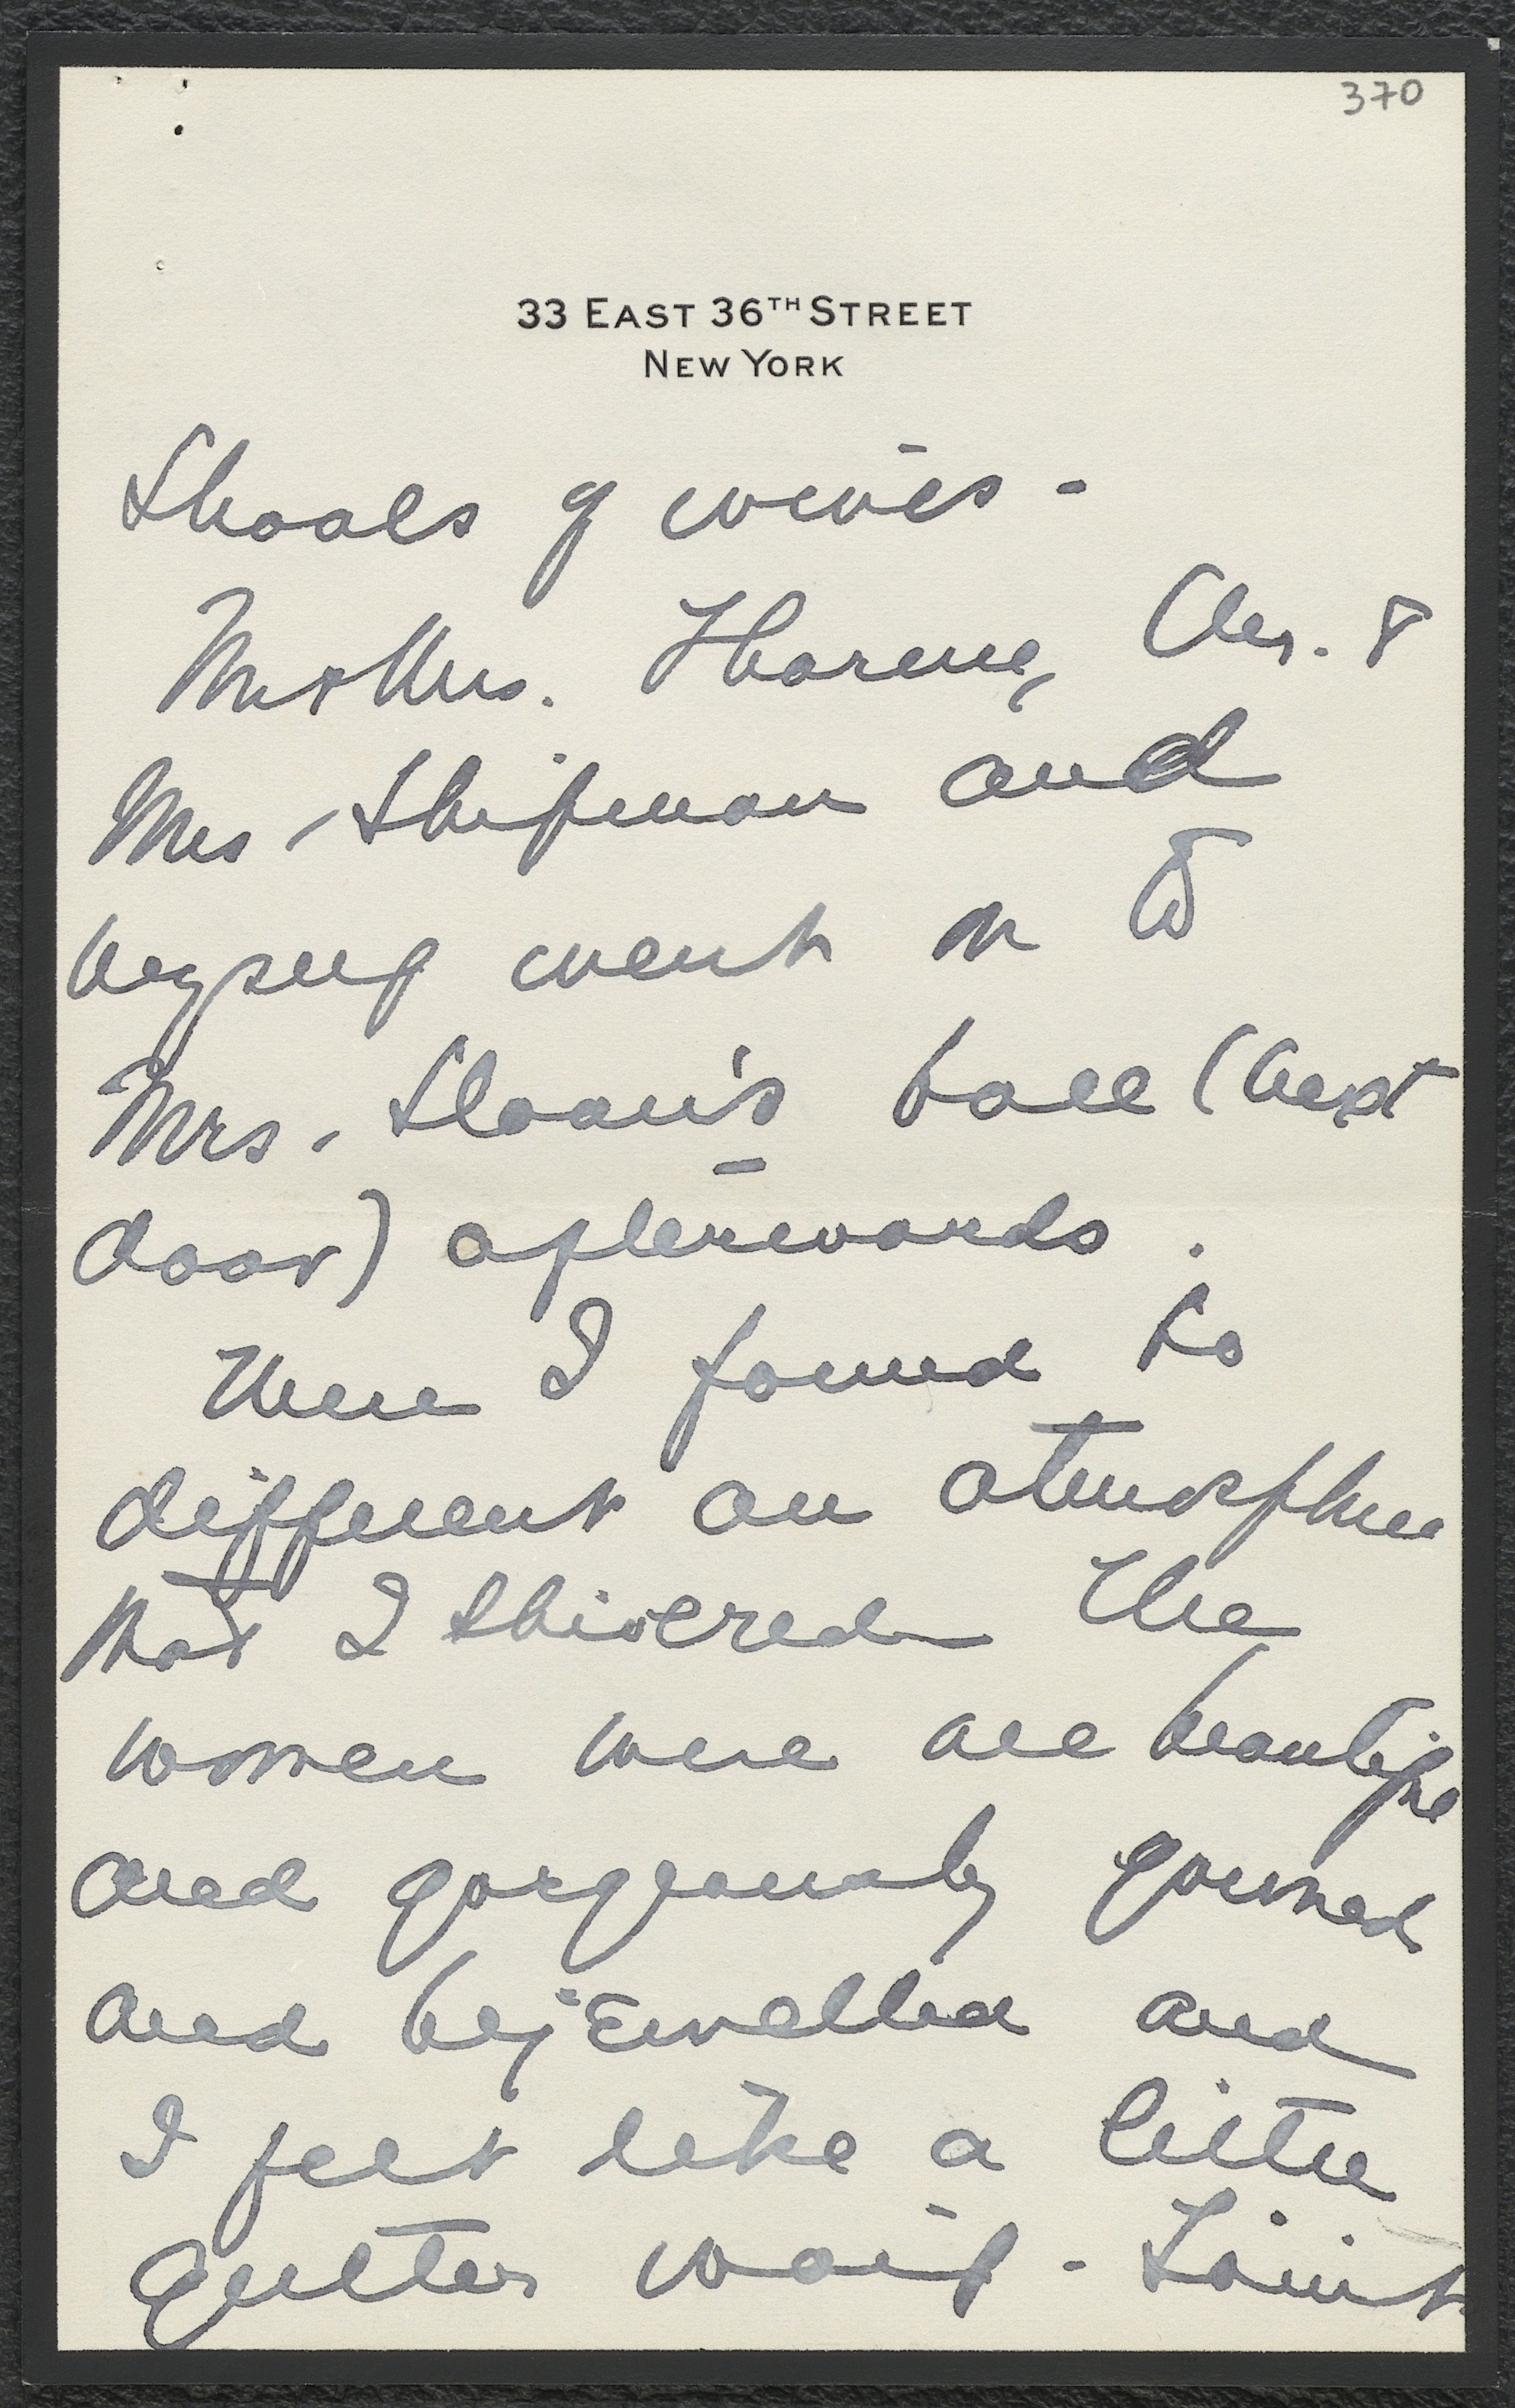shoals of wives –
Mr & Mrs. Florence, Mr. & Mrs. Shipman and myself went on to Mrs. Sloan’s ball (last door) afterwards
There I found so different an atmosphere that I shivered the women there are beautiful and gorgeously gowned and bejewelled and I felt like a little gutter waif – Taint